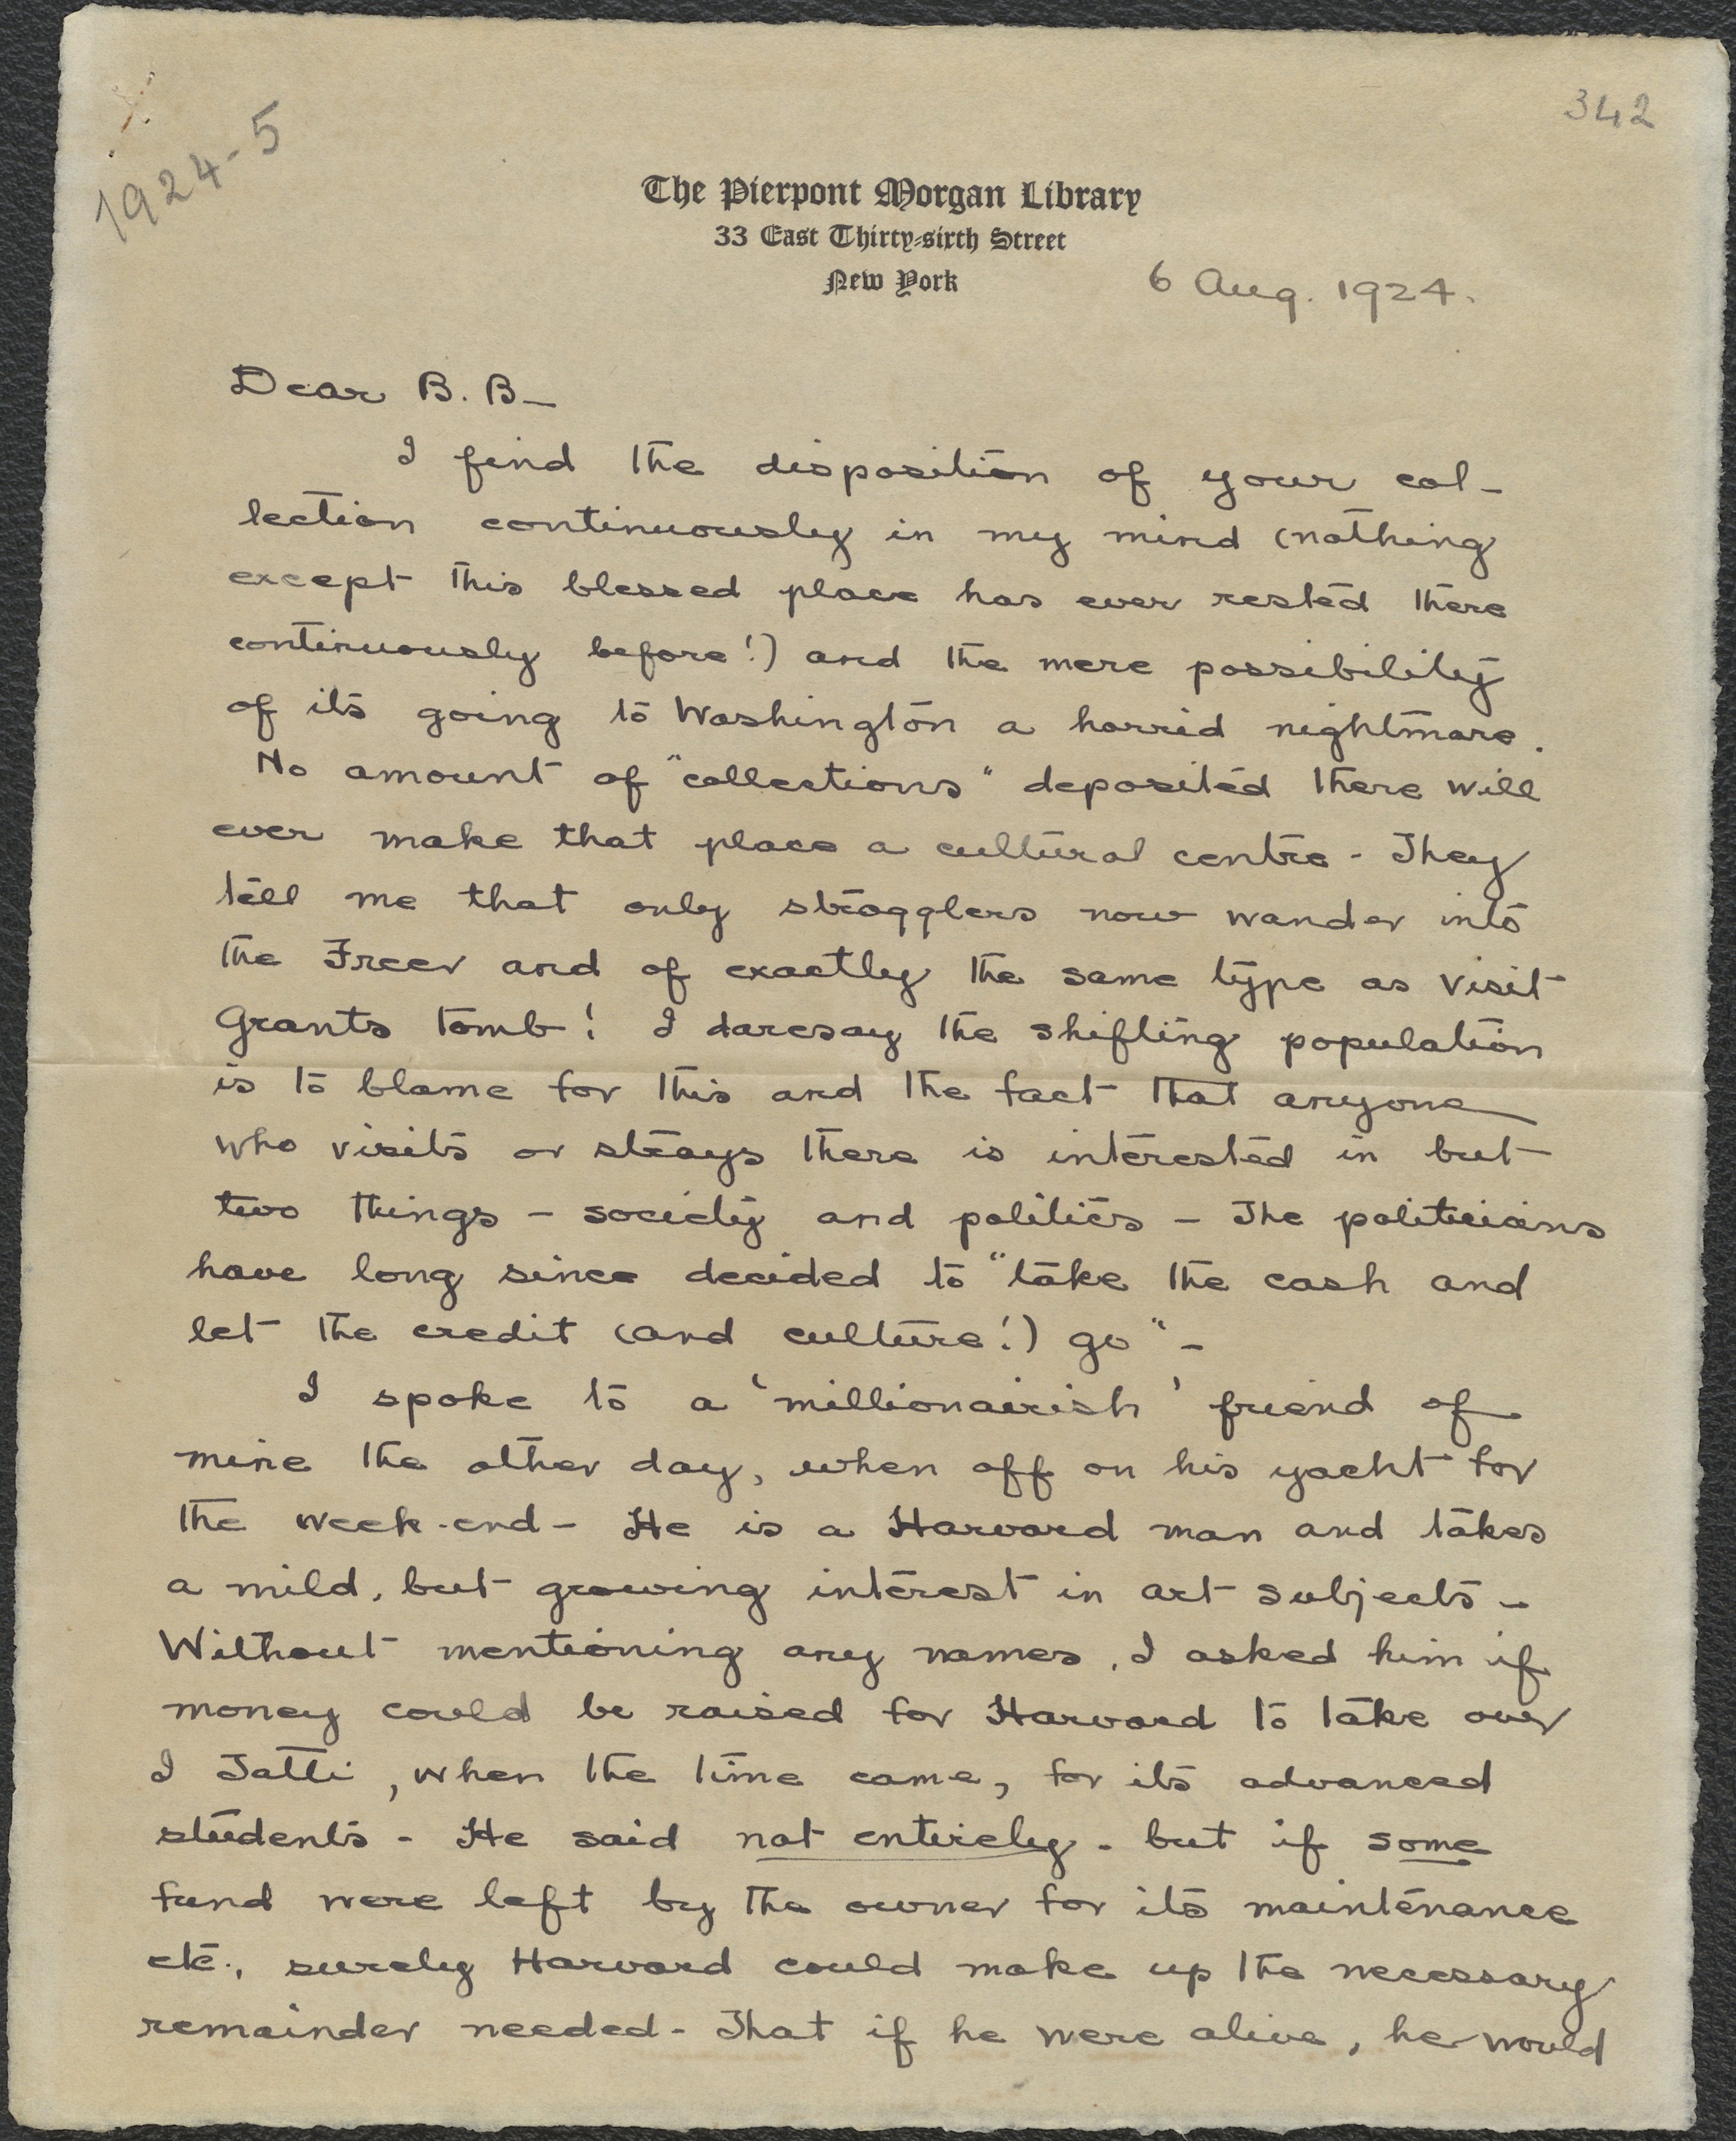6 Aug. 1924
Dear B.B –
I find the disposition of your collection continuously in my mind (nothing except this blessed place has ever rested there continuously before!) and the mere possibility of its going to Washington a horrid nightmare. No amount of "collections" deposited there will ever make that place a cultural centre. They tell me that only stragglers now wander into the Freer and of exactly the same type as visit Grants tomb! I daresay the shifting population is to blame for this and the fact that anyone who visits or strays there is interested in but two things – society and politics – The politicians have long since decided to "take the cash and let the credit (and culture!) go" –
I spoke to a 'millioniarish' friend of mine the other day, when off on his yacht for the week-end – He is a Harvard man and takes a mild, but growing interest in art subjects – Without mentioning any names, I asked him if money could be raised for Harvard to take our I Tatti, when the time came, for its advanced students. He said not entirely, but if some fund were left by the owner for its maintenance etc., surely Harvard could make up the necessary remainder needed. That if he were alive, he would